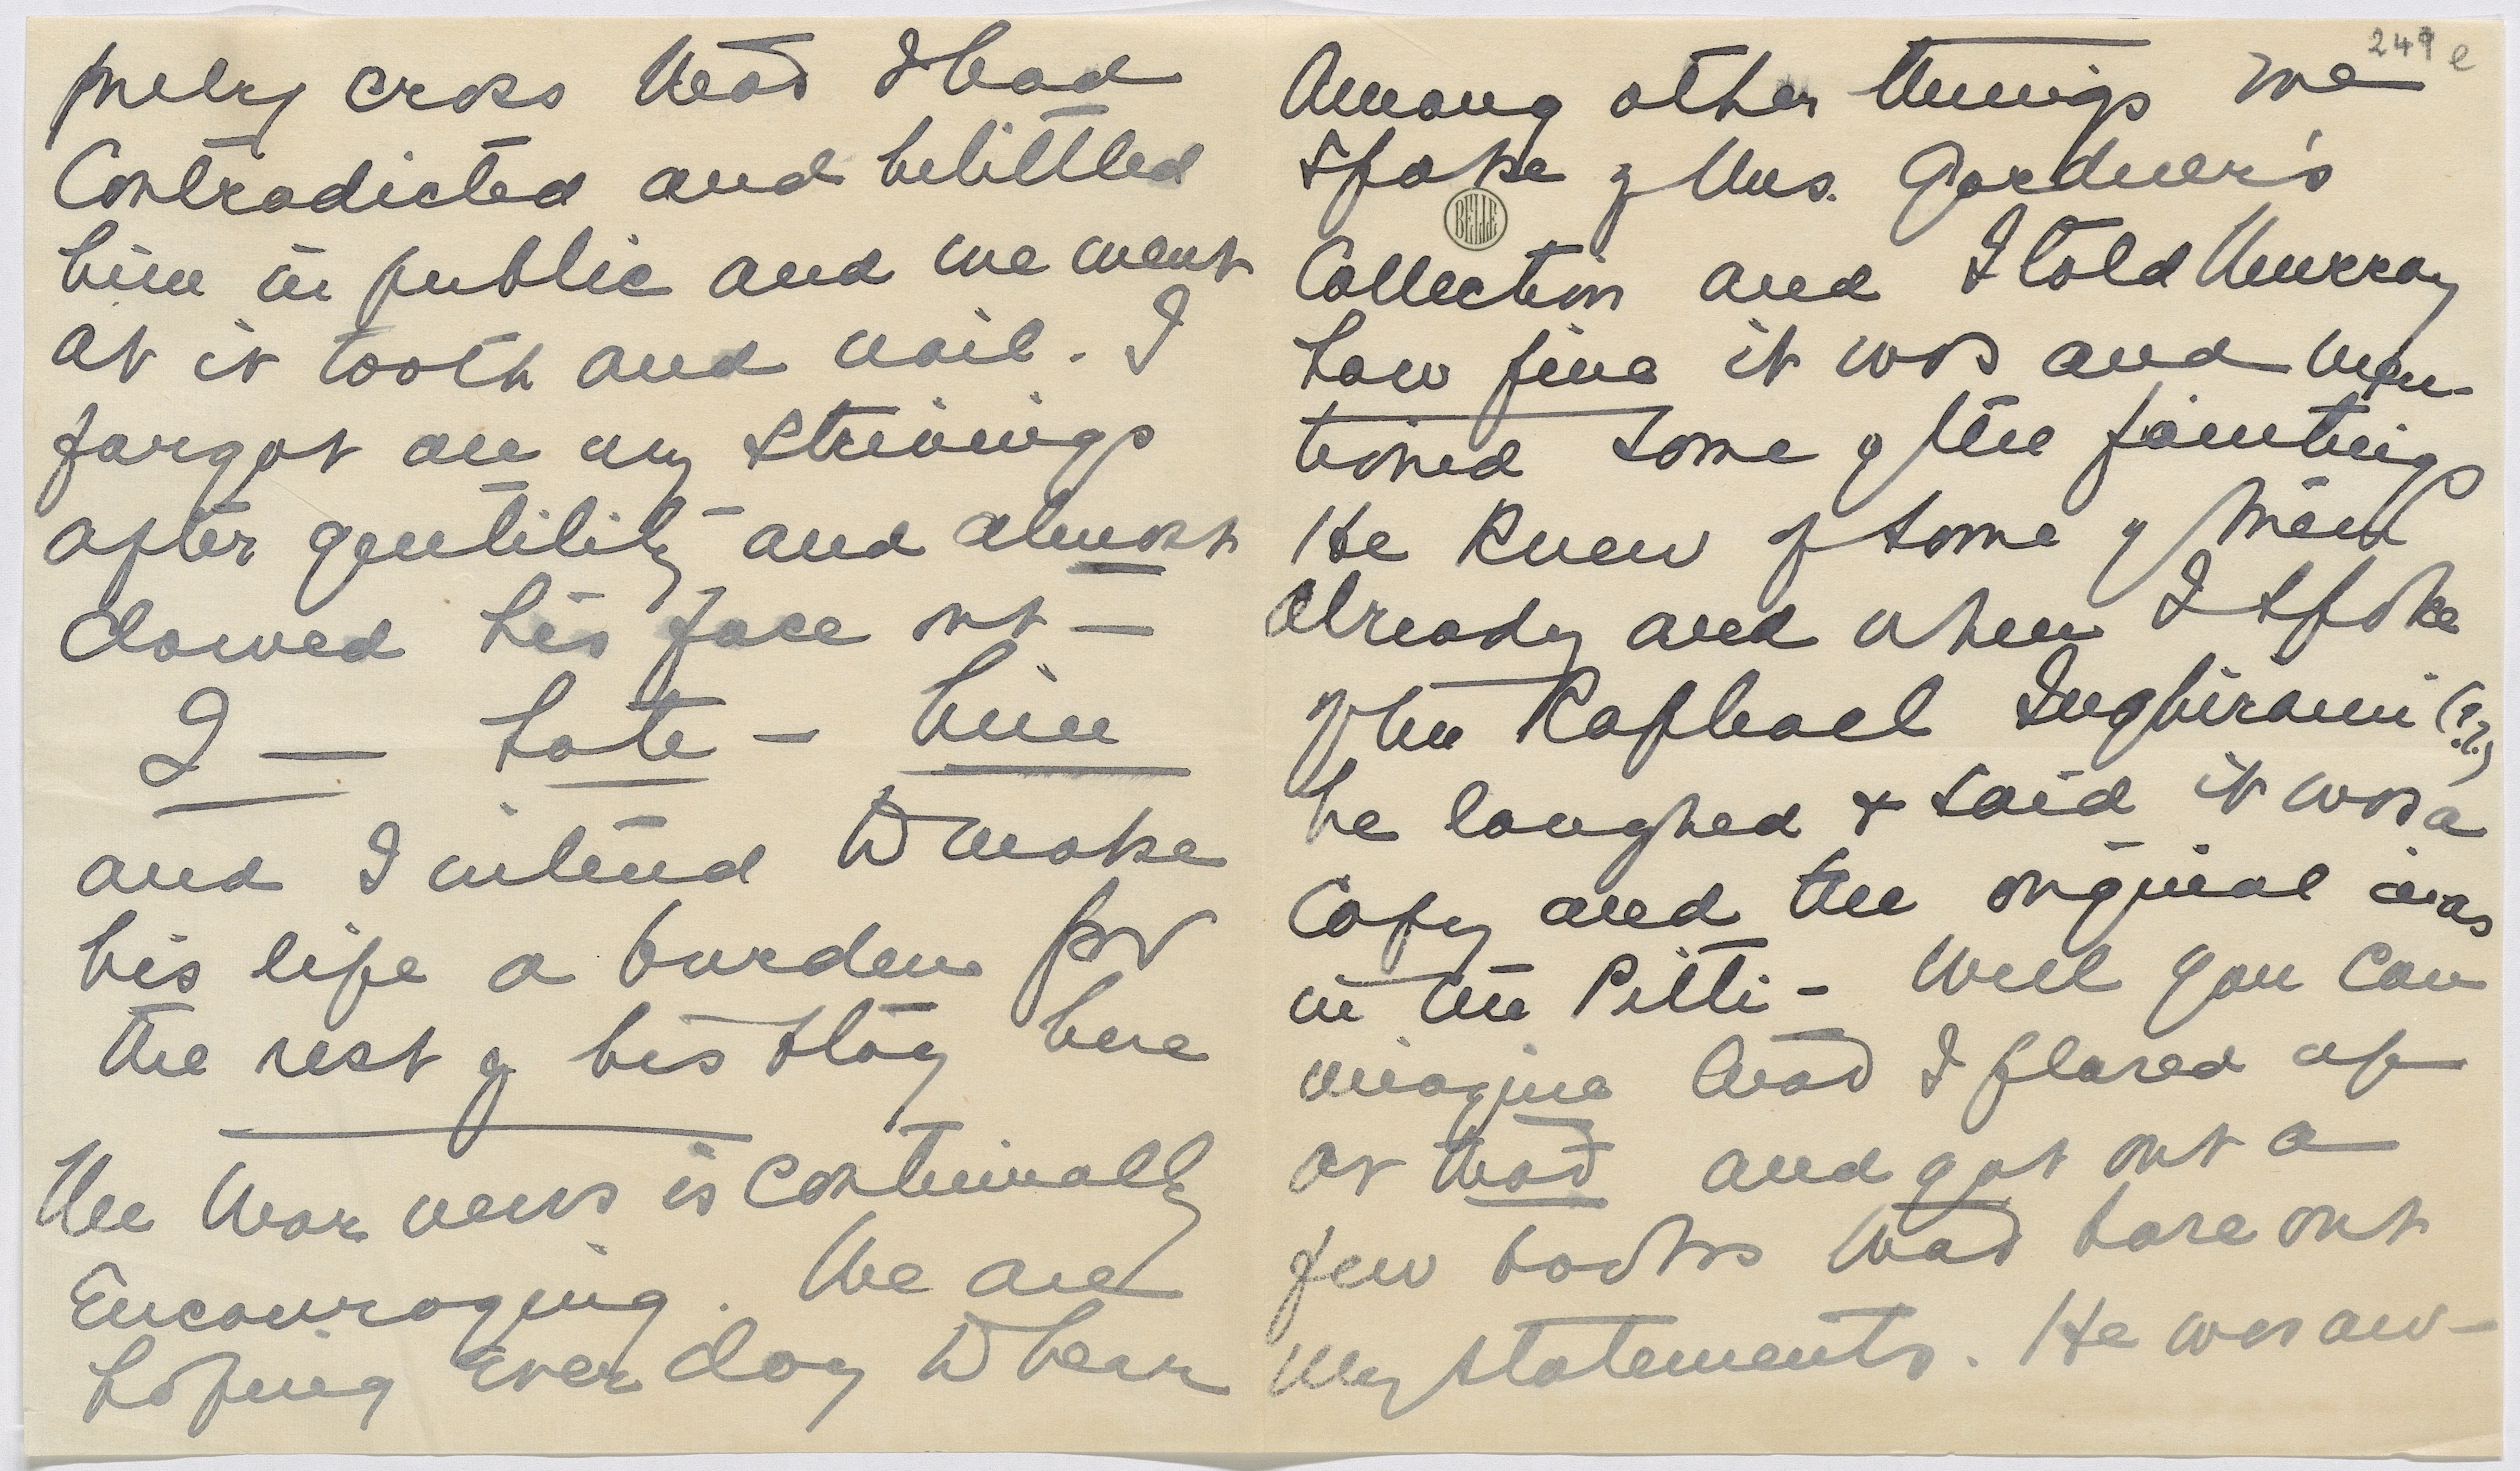among other things we spoke of Mrs. Gardner’s collection and I told Murray how fine it was and mentioned some of the paintings
He knew of some of them already and when I spoke of the Raphael Inghirami (??) he laughed & said it was a copy and the original was in the Pitti – well you can imagine that I flared up at that and got out a few books that bore out my statements. He was awfully
cross that I had contradicted and belittled him in public and we went at it tooth and nail. I forgot all my strivings after gentility and almost clawed his face out –
I – hate – him
and I intend to make his life a burden for the rest of his stay here
the war news is continually encouraging. We are hoping everyday to hear